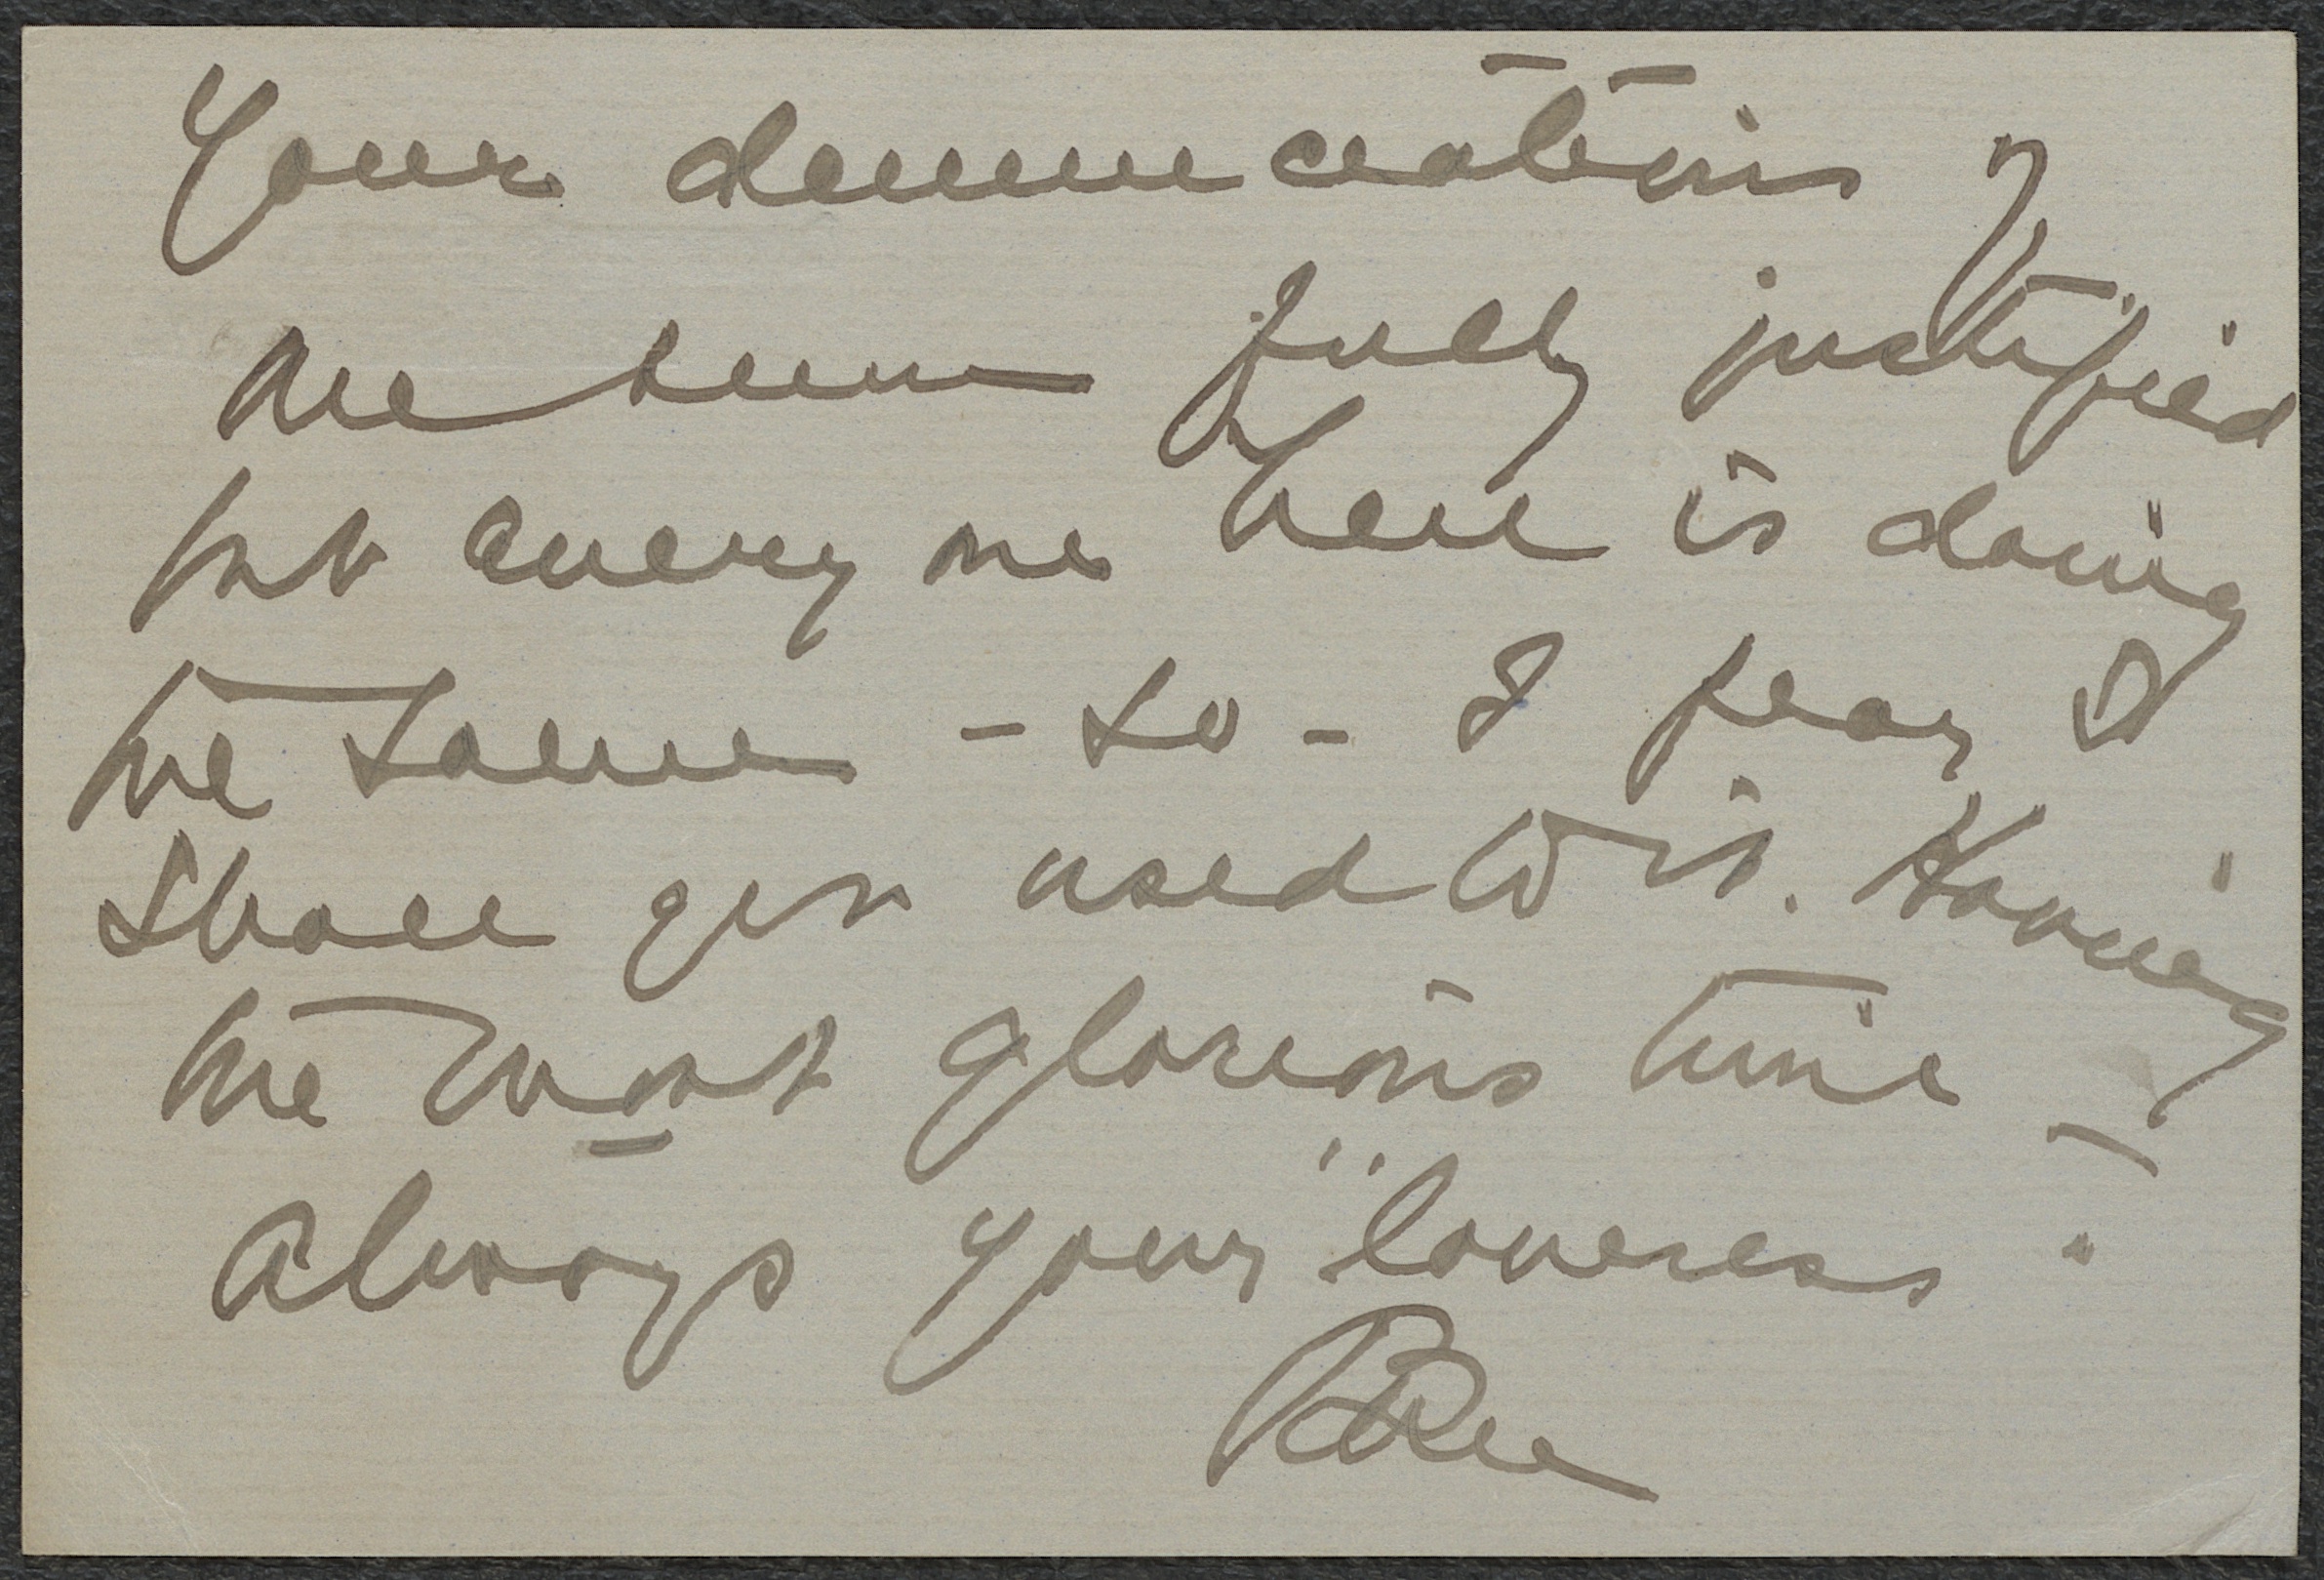Your denunciations of me seem fully justified but every one here is doing the same – so – I fear I shall get used to it. Having the most glorious time – always your “loveress”
Belle